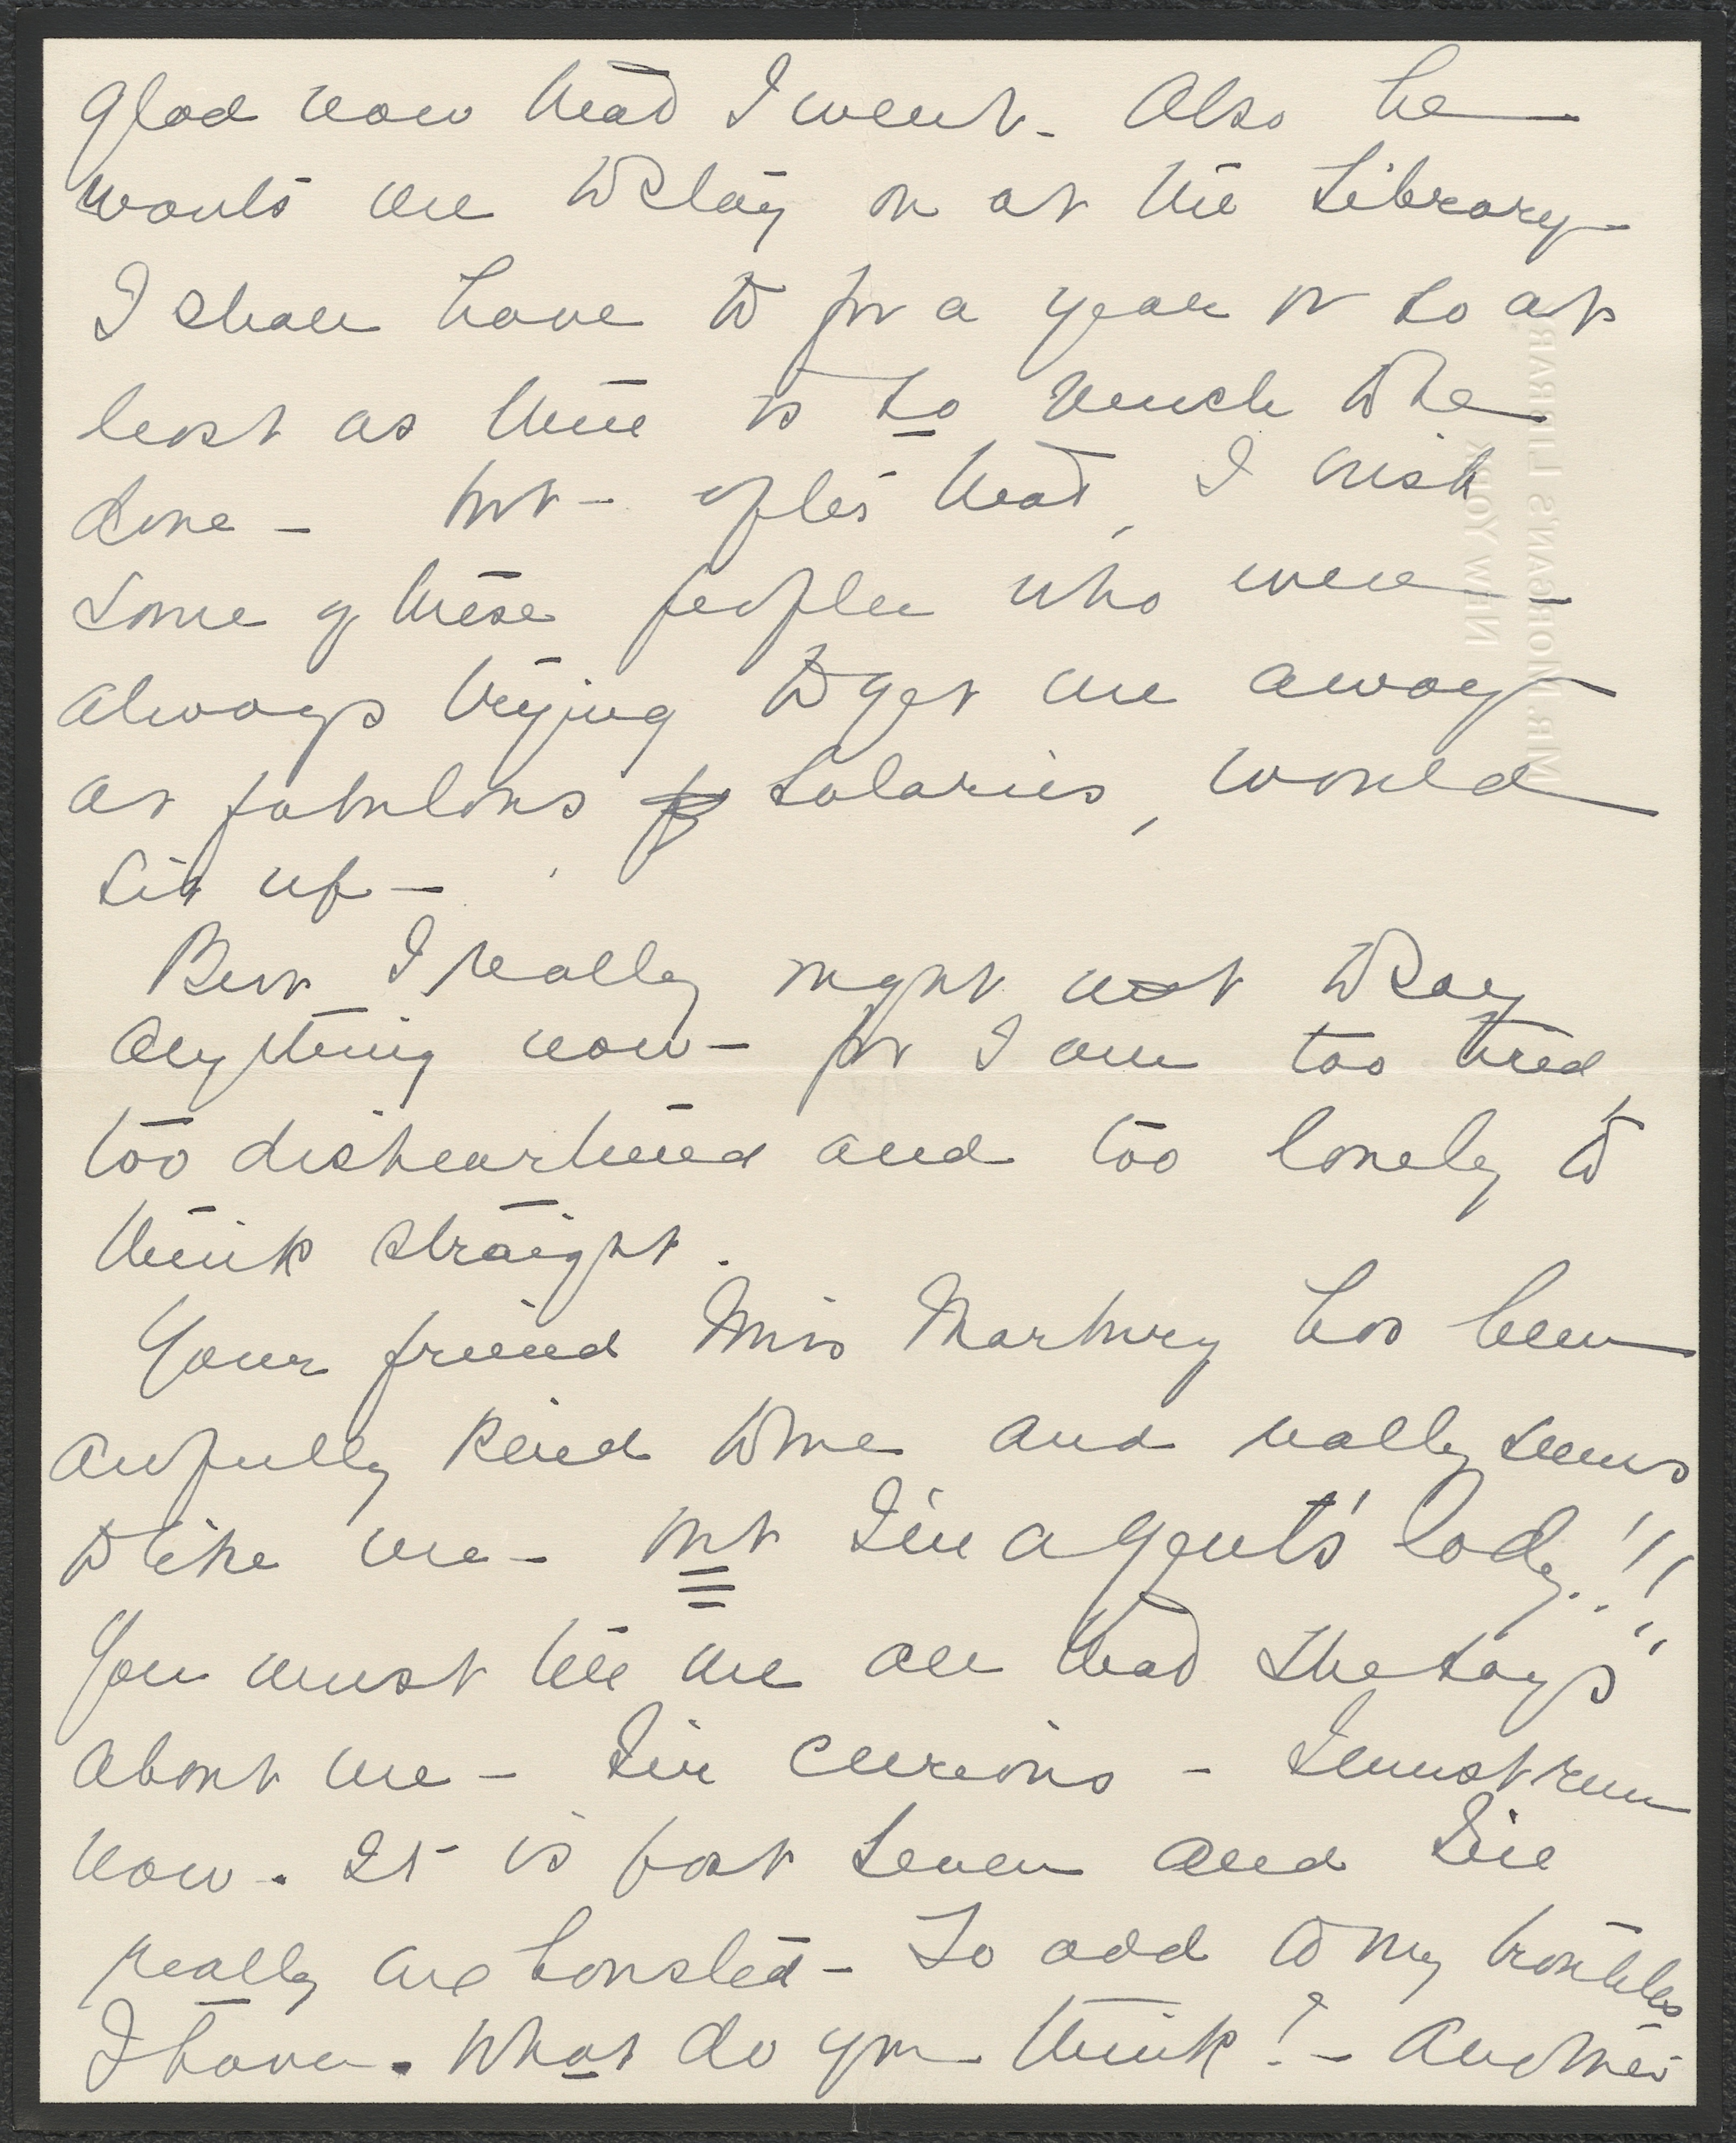glad now that I went. Also he wants me to stay on at the Library – I shall have to for a year or so at least as there is so much to be done – but – after that, I wish some of these people who were always trying to get me away at fabulous f salaries, would sit up –
But I really ought not to say anything now – for I am too tired too disheartened and too lonely to think straight.
Your friend Mrs. Marbury has been awfully kind to me and really seems to like me [triple underlined: but] I’m a gents’ lady!!! You must tell me all that she says about me – I’m curious – I must run now. It is past seven and I’m really exhausted – To add to my troubles, I have – What do you think? – another